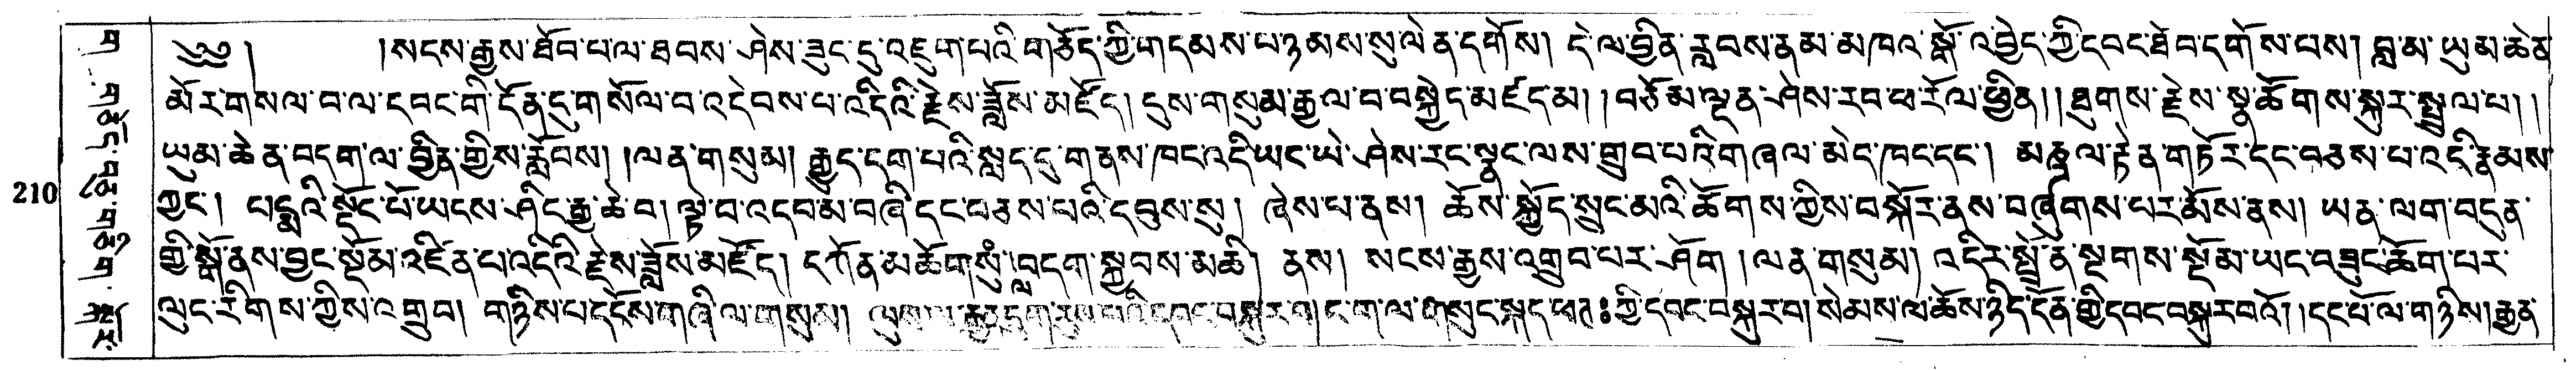༄༅། །སངས་རྒྱས་ཐོབ་པ་ལ་ཐབས་ཤེས་ཟུང་དུ་འཇུག་པའི་གཅོད་ཀྱི་གདམས་པ་ཉམས་སུ་ལེན་དགོས། དེ་ལ་བྱིན་རླབས་ནམ་མཁའ་སྒོ་འབྱེད་ཀྱི་དབང་ཐོབ་དགོས་པས། བླ་མ་ཡུམ་ཆེན་
མོར་གསལ་བ་ལ་དབང་གི་དོན་དུ་གསོལ་བ་འདེབས་པ་འདིའི་རྗེས་ཟློས་མཛོད། དུས་གསུམ་རྒྱལ་བ་བསྐྱེད་མཛད་མ། །བཅོམ་ལྡན་ཤེས་རབ་ཕ་རོལ་ཕྱིན། །ཐུགས་རྗེས་སྣ་ཚོགས་སྐུར་སྤྲུལ་པ། །
ཡུམ་ཆེན་བདག་ལ་བྱིན་གྱིས་རློབས། །ལན་གསུམ། རྒྱུད་དག་པའི་སླད་དུ་གནས་ཁང་འདི་ཡང་ཡེ་ཤེས་རང་སྣང་ལས་གྲུབ་པའི་གཞལ་མེད་ཁང་དང་། མཎྜལ་རྟེན་གཏོར་དང་བཅས་པ་འདི་རྣམས་
ཀྱང་། པདམའི་སྡོང་པོ་ཡངས་ཤིང་རྒྱ་ཆེ་བ། ལྟེ་བ་འདབ་མ་བཞི་དང་བཅས་པའི་དབུས་སུ། ཞེས་པ་ནས། ཆོས་སྐྱོང་སྲུང་མའི་ཚོགས་ཀྱིས་བསྐོར་ནས་བཞུགས་པར་མོས་ནས། ཡན་ལག་བདུན་
གྱི་སྒོ་ནས་བྱང་སྡོམ་འཛིན་པ་འདིའི་རྗེས་ཟློས་མཛོད། དཀོན་མཆོག་གསུཾ་ལ་བདག་སྐྱབས་མཆི། ནས། སངས་རྒྱས་འགྲུབ་པར་ཤོག །ལན་གསུམ། འདིར་སྤྲོ་ན་སྔགས་སྡོམ་ཡང་བཟུང་ཆོག་པར་
ལུང་རིགས་ཀྱིས་འགྲུབ། གཉིས་པ་དངོས་གཞི་ལ་གསུམ། ལུས་ལ་རྒྱན་དྲུག་རུས་པའི་དབང་བསྐུར་བ། ངག་ལ་གསུང་སྐད་ཕཊཿ ཀྱི་དབང་བསྐུར་བ། སེམས་ལ་ཆོས་ཉིད་དོན་གྱི་དབང་བསྐུར་བའོ། །དང་པོ་ལ་གཉིས། རྒྱན་